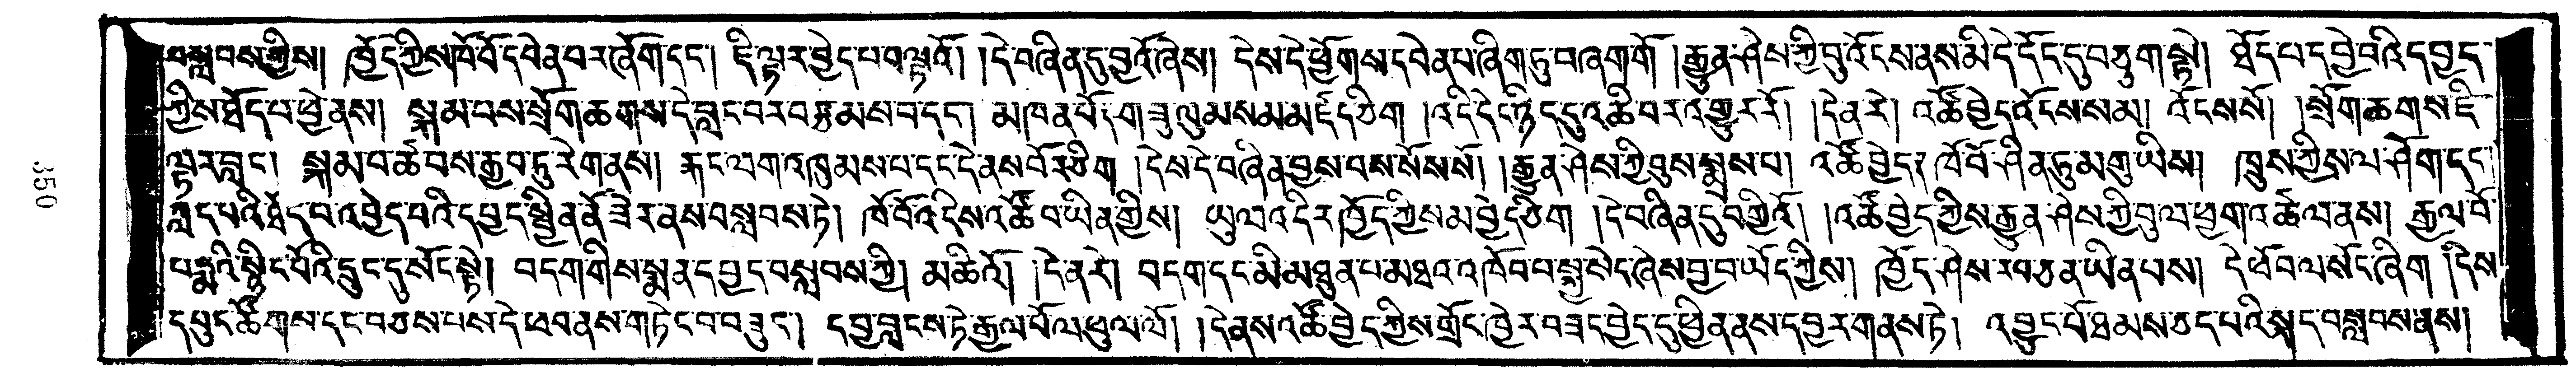བསླབས་ཀྱིས། ཁྱོད་ཀྱིས་ཁོ་བོ་དབེན་བར་ཞོག་དང་། ཇི་ལྟར་བྱེད་པ་བལྟའོ། །དེ་བཞིན་དུ་བྱའོ་ཞེས། དེས་དེ་ཕྱོགས་དབེན་པ་ཞིག་ཏུ་བཞག་གོ །རྒྱུན་ཤེས་ཀྱི་བུ་འོངས་ནས་མི་དེ་དོང་དུ་བཅུག་སྟེ། ཐོད་པ་དབྱེ་བའི་དབྱད་
ཀྱིས་ཐོད་བ་ཕྱེ་ནས། སྐམ་བས་སྲོག་ཆགས་དེ་བླང་བར་བརྩམས་བ་དང་། མཁན་པོ༑ གཟུ་ལུམས་མ་མཛད་ཅིག །འདི་དེང་ཉིད་དུ་འཆི་བར་འགྱུར་རོ། །དེ་ན་རེ། འཚོ་བྱེད་འོངས་སམ། འོངས་སོ། །སྲོག་ཆགས་ཇི་
ལྟར་བླང་། སྐམ་བ་ཚ་བས་རྒྱབ་ཏུ་རེག་ནས། རྐང་ལག་འཁུམས་པ་དང་དེ་ནས་བོར་ཅིག །དེས་དེ་བཞིན་བྱས་བས་སོས་སོ། །རྒྱུན་ཤེས་ཀྱི་བུས་སྨྲས་པ། འཚོ་བྱེད༑ ཁོ་བོ་ཤིན་ཏུ་མགུ་ཡིས། ཁྲུས་ཀྱིས་ལ་ཤོག་དང་།
ཀླད་པའི་ཐོད་བ་འབྱེད་བའི་དབྱད་སྦྱིན་ནོ་ཟེར་ནས་བསླབས་ཏེ། ཁོ་བོ་འདིས་འཚོ་བ་ཡིན་གྱིས། ཡུལ་འདིར་ཁྱོད་ཀྱིས་མ་བྱེད་ཅིག །དེ་བཞིན་དུ་བགྱིའོ། །འཚོ་བྱེད་ཀྱིས་རྒྱུན་ཤེས་ཀྱི་བུ་ལ་ཕྱག་འཚལ་ནས། རྒྱལ་པོ་
པདམའི་སྙིང་པོའི་དྲུང་དུ་སོང་སྟེ། བདག་གིས་སྨན་དབྱད་བསླབས་ཀྱི། མཆིའོ། །དེ་ན་རེ། བདག་དང་མི་མཐུན་པ་མཐའ་འཁོབ་པ་སྐྱ་སེང་ཞེས་བྱ་བ་ཡོད་ཀྱིས། ཁྱོད་ཤེས་རབ་ཅན་ཡིན་པས། དེ་ཕོབ་ལ་སོང་ཞིག །དེས་
དཔུང་ཚོགས་དང་བཅས་པས་དེ་ཕབ་ནས་གཏེང་བ་བཟུང་། དབྱ་བླངས་ཏེ་རྒྱལ་པོ་ལ་ཕུལ་ལོ། །དེ་ནས་འཚོ་བྱེད་ཀྱིས་གྲོང་ཁྱེར་བཟང་བྱེད་དུ་ཕྱིན་ནས་དབྱར་གནས་ཏེ། འབྱུང་པོ་ཐམས་ཅད་པའི་སྐད་བསླབས་ནས།